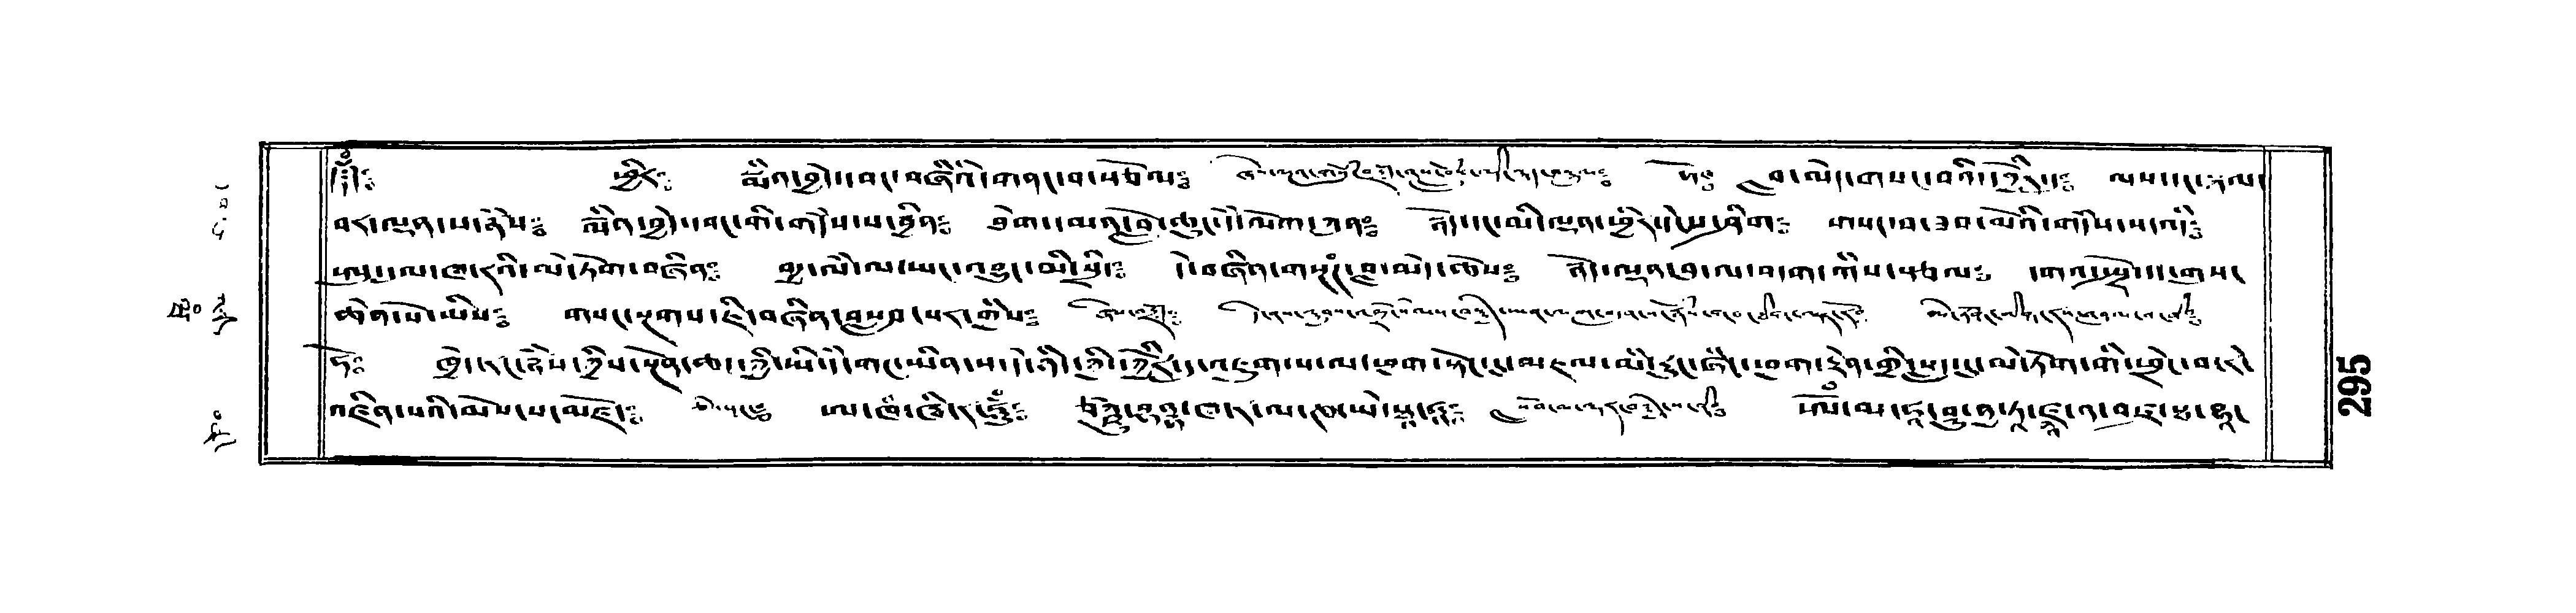ཕྱིར༔ སྨིན་བྱེད་དབང་བཞིའི་གནང་བ་སྩོལ༔ ཞེས་ལན་གསུམ་བརྗོད་ནས་བླ་མས་འདི་སྐད་བསྐུལ༔ ཧོཿ བླ་མེད་གསང་བའི་དཀྱིལ་འཁོར་དུ༔ ལས་དང་སྐལ་
བར་ལྡན་པ་རྣམས༔ སྨིན་བྱེད་དབང་གི་གདམས་པ་སྦྱིན༔ ཐེག་དམན་བློ་ཆུང་དམ་ལོག་ཀུན༔ སྣོད་དང་མི་ལྡན་ཕྱིར་དེངས་ཤིག༔ གསང་བ་ཟབ་མོའི་གདམས་པ་འདི༔ 
ཨུ་དུམ་ཝ་རའི་མེ་ཏོག་བཞིན༔ བརྒྱ་ལམ་ལ་ཡང་འབྱུང་མི་སྲིད༔ དེ་བཞིན་གསང་སྔགས་བླ་མེད་ཆོས༔ སྣོད་ལྡན་བུ་ལ་བདག་གིས་བསྩལ༔ དགའ་སྤྲོ་དད་གུས་
ཆེན་པོ་ཡིས༔ གསང་སྔགས་ཇི་བཞིན་བསླབ་པར་གྱིས༔ ཞེས་བརྗོད༔ དེ་ནས་སྐྱབས་འགྲོ་སེམས་བསྐྱེད་ཡན་ལག་བདུན་པ་རྣམས་གབ་ཐིག་ལྟར་རོ༔མེ་ཏོག་མིག་རས་འབུལ་བ་ནི༔ 
ཧོཿ ཁྱེད་རང་རྣམས་ཀྱིས་སྔོན་ཆད་ཀྱི་ཡི་དམ་གང་ཡིན་པ་དེ་ཉིད་ཀྱི་དཀྱིལ་འཁོར་དུ་འཇུག་པ་ལ་ཕྱག་སྟོང་དུ་མཇལ་མི་རུང་ཞིང་ཕྱག་རྟེན་གྱིས་སླད་དུ་མེ་ཏོག་གི་ཕྲེང་བ་རེ་
འཛིན་པའི་མོས་པ་མཛོད༔ ཅེས་དང༔ ཨ་ཁཾ་ཝི་ར་ཧཱུྃ༔ ཙཀྵུ་བྷནྡྷ་ཝ་ར་མ་ཎ་ཡེ་སྭཱ་ཧཱ༔ སློབ་མ་ལྷར་བསྐྱེད་པ་ནི༔ ཨོཾ་མ་ཧཱ་བཱུ་ནྱ་ཏཱ་ཛྙཱ་ན་བཛྲ་སྭ་བྷཱ་